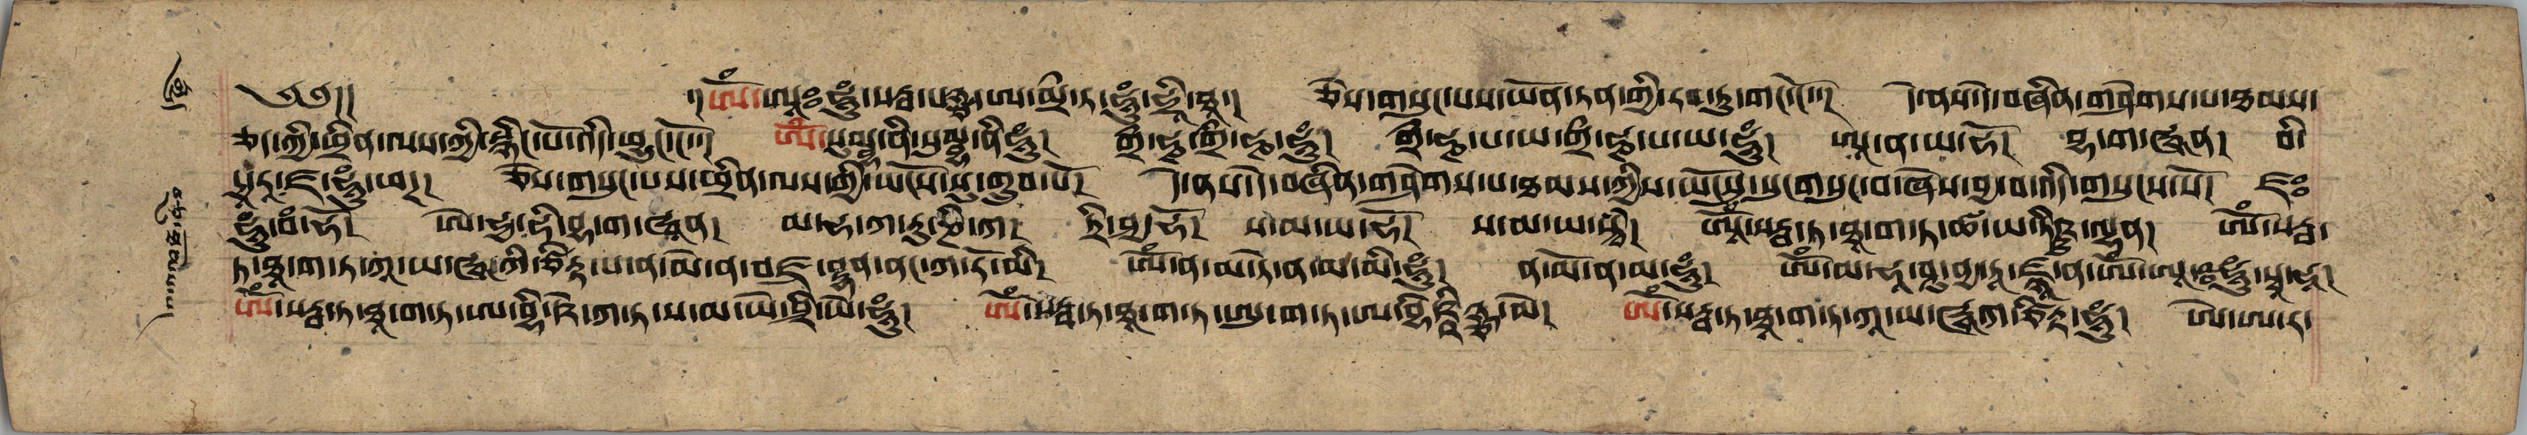༄༅་། ་།ཨོཾ་ཨཱཿཧཱུཾ་སརྦ་པཉྩ་ཨ་མྲྀ་ཏ་ཧཱུཾ་ཧྲཱི་ཐཱ་། ཅེས་གསུངས་པས་ཡོན་ཏན་གྱི་རབ་ཏུ་གང་ངོ་་། དེ་ནས་དེ་བཞིན་གཤེགས་པ་ཐམས་
ཅད་ཀྱི་ཕྲིན་ལས་ཀྱི་སྙིང་པོ་འདི་ཕྱུང་ངོ་་། ཨོཾ་སུམྦྷ་ནི་སུམྦྷི་ཧཱུཾ། གྲྀ་ཧྞ་གྲྀ་ཧྞ་ཧཱུཾ། གྲྀ་ཧྞ་པ་ཡ་གྲྀ་ཧྞ་པ་ཡ་ཧཱུཾ། ཨཱ་ན་ཡ་ཧོ་། བྷ་ག་ཝཱན། བི་
་རཱ་ཛ་ཧཱུཾ་ཕཊ། ཅེས་གསུངས་པས་ཕྲིན་ལས་གྱི་ཡོངས་སུ་གྲུབ་པོ། དེ་ནས་དེ་བཞིན་གཤེགས་པ་ཐམས་ཀྱིས་ཡོངས་སུ་གསུང་བ་ཞེས་བྱ་བ་འདི་གསུངས་སོ། ཛཿ
ཧཱུཾ་བཾ་ཧོ། ཨེ་ཧྱ་ཧི་བྷ་ག་ཝཱན། མ་ཧ་ཀ་རུ་ཎི་ཀ། ཏྲི་ཤྱ་ཧོ། ས་མ་ཡ་ཧོ། ས་མ་ཡ་སྟྭཾ། ཨཱོཾ་སརྦ་ཏ་ཐཱ་ག་ཏ་ཚ་ཡ་ཏིཥྛ་ལྷན། ཨོཾ་སརྦ་
་ཐ་ག་ཏ་ཀཱ་ཡ་ཝཱ་ཀི་ཙིརྟ་པ་ན་མེ་ན་བཛྲ་བྷན་ནང་ཀ་རོ་མི་། ཨོཾ་ན་མ་ཏེ་ན་མ་མི་ཧཱུཾ། ན་མོ་ན་མ་ཧཱུཾ། ཨོཾ་མ་ཧཱ་ཤུ་ནྱ་ཏཱ་ཛྙཱ་ན་ཨོཾ་ཨཱཿཧཱུཾ་སྭ་ཧཱ།
ཨོཾ་སརྦ་ཏ་ཐཱ་ག་ཏ་ཨ་བྷི་ཥེ་ཀ་ཏ་ས་མ་ཡེ་ཤྲི་ཡེ་ཧཱུཾ། ཨོཾ་སརྦ་ཏ་ཐཱ་ག་ཏ་ཨུ་ག་ཏཨ་བྷིཥྵིཉྩམེ། ཨོཾ་སརྦ་ཏ་ཐཱ་ག་ཏ་ཀཱ་ཡ་ཝཱཀ་ཙིརྟ་ཧཱུཾ། ཨེ་ཨ་ར